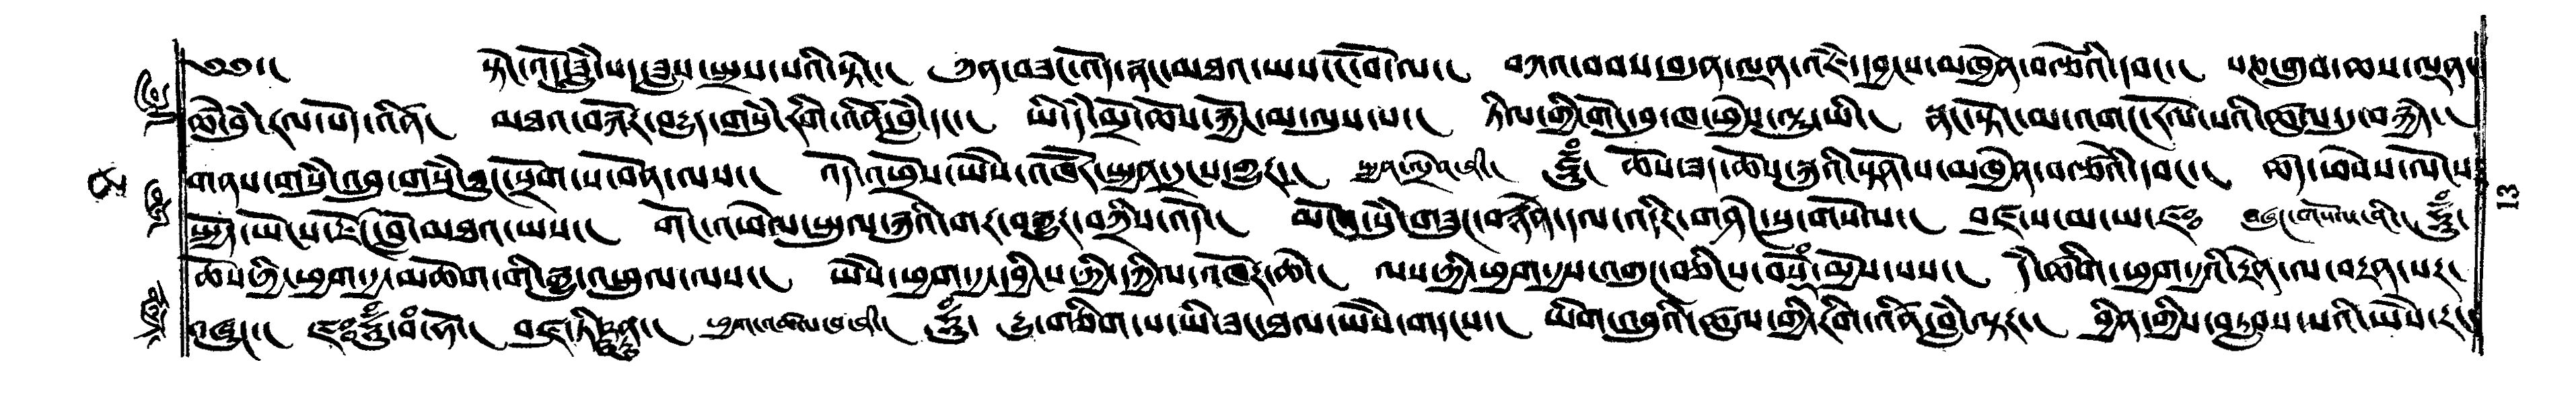སྟེང་འོད་ཟླུམ་པད་ཟླས་སྤྲས་པའི་སྟེང་། །ཀུན་བཟང་འོད་སྣང་མཐའ་ཡས་ངོ་བོ་ལ། །བཀའ་བབས་བདུན་ལྡན་འཇམ་དབྱངས་མཁྱེན་བརྩེའི་དབང་། །པཎ་གྲུབ་ཆས་ལྡན་
ཚེ་བུམ་རལ་པོད་འཛིན། །མཐའ་བསྐོར་བརྒྱུད་གསུམ་རིག་འཛིན་བླ་མ་དང་། །ཡི་དམ་མཁའ་འགྲོ་ཆོས་སྐྱོང་མ་ལུས་པ། །ཏིལ་གྱི་གོང་བུ་ཁ་ཕྱེས་ལྟ་བུ་ཡི། །སྣང་སྟོང་མ་འགགས་རོལ་པའི་ཚུལ་དུ་བསྐྱེད། །
གནས་གསུམ་འབྲུ་གསུམ་ཐུགས་སྲོག་ས་བོན་ལས། །འོད་འཕྲོས་ཡེ་ཤེས་འཁོར་ལོར་སྤྱན་དྲངས་གྱུར།།སྤྱན་འདྲེན་ནི། ཧཱུྃ། ཆོས་ཟད་ཆོས་སྐུའི་སྟོན་པ་མཁྱེན་བརྩེའི་དབང་། །ཚད་ཕེབས་ལོངས་
སྤྱོད་ཡོངས་རྫོགས་བློ་མཐའ་ཡས། །གོང་འཕེལ་སྤྲུལ་སྐུའི་གར་བསྒྱུར་བཀྲ་ཤིས་འོད། །མངོན་སུམ་གཟུགས་བརྙན་དལ་འདིར་གཤེགས་སུ་གསོལ། །བཛྲ་ས་མ་ཡ་ཛཿ བཞུགས་གསོལ་ནི། ཧཱུྃ། 
ཆོས་ཀྱི་ཕྱག་རྒྱ་མཆོག་གི་སྒྱུ་འཕྲུལ་ལས། ཡེ་ཤེས་ཕྱག་རྒྱ་དབྱིངས་ཀྱི་དཀྱིལ་འཁོར་ཆེ། །ལས་ཀྱི་ཕྱག་རྒྱས་འགུགས་བཅིངས་བསྡོམས་མྱོས་པས། །དམ་ཚིག་ཕྱག་རྒྱའི་རྟེན་ལ་བརྟན་པར་
བཞུགས། ཛཿཧཱུྃ་བཾ་ཧོ། བཛྲ་ཏིཥྛནྟུ། ཕྱག་འཚལ་བ་ནི། ཧཱུྃ། རྒྱུ་གཅིག་པ་ཡི་ཟང་ཐལ་ཡེ་ཤེས་གདངས། །ཡིག་འབྲུའི་ཚུལ་གྱི་རིག་འཛིན་བླ་མ་ལྟར། །བྱིན་གྱིས་བརླབས་པའི་ཡེ་ཤེས་རང་